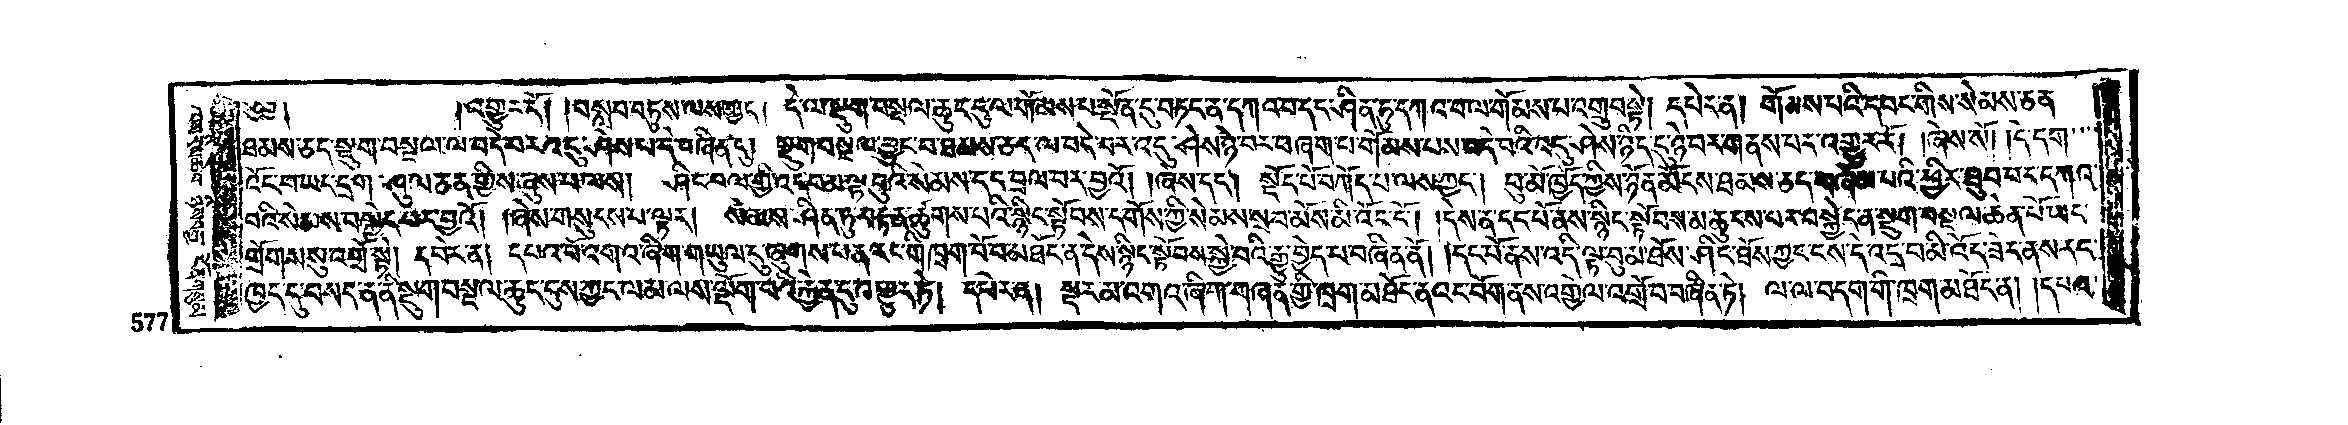༄༅། །འགྱུར་རོ། །བསླབ་བཏུས་ལས་ཀྱང་། དེ་ལ་སྡུག་བསྔལ་ཆུང་ངུ་ལ་གོམས་པ་སྔོན་དུ་བཏང་ན་དཀའ་བ་དང་ཤིན་ཏུ་དཀའ་བ་ལ་གོམས་པ་འགྲུབ་སྟེ། དཔེར་ན། གོམས་པའི་དབང་གིས་སེམས་ཅན་
ཐམས་ཅད་སྡུག་བསྔལ་ལ་བདེ་བར་འདུ་ཤེས་པ་དེ་བཞིན་དུ། སྡུག་བསྔལ་བྱུང་བ་ཐམས་ཅད་ལ་བདེ་བར་འདུ་ཤེས་ཉེ་བར་བཞག་པ་གོམས་པས་བདེ་བའི་འདུ་ཤེས་ཉིད་དུ་ཉེ་བར་གནས་པར་འགྱུར་རོ། །ཞེས་སོ། །དེ་དག་
འོང་བ་ཡང་དྲག་ཤུལ་ཅན་གྱིས་ཞུས་པ་ལས། ཤིང་བལ་གྱི་འདབ་མ་ལྟ་བུའི་སེམས་དང་བྲལ་བར་བྱའོ། །ཞེས་དང་། སྡོང་པོ་བཀོད་པ་ལས་ཀྱང་། བུ་མོ་ཁྱོད་ཀྱིས་ཉོན་མོངས་ཐམས་ཅད་གཞོམ་པའི་ཕྱིར་ཐུབ་པར་དཀའ་
བའི་སེམས་བསྐྱེད་པར་བྱའོ། །ཞེས་གསུངས་པ་ལྟར། སེམས་ཤིན་ཏུ་བརྟན་ཚུགས་པའི་སྙིང་སྟོབས་དགོས་ཀྱི་སེམས་སྲབ་མོས་མི་འོང་ངོ། །དེས་ན་དང་པོ་ནས་སྙིང་སྟོབས་མ་ཆུངས་པར་བསྐྱེད་ན་སྡུག་བསྔལ་ཆེན་པོ་ཡང་
གྲོགས་སུ་འགྲོ་སྟེ། དཔེར་ན། དཔའ་བོ་འགའ་ཞིག་གཡུལ་དུ་ཞུགས་པ་ན་རང་གི་ཁྲག་བོ་བ་མཐོང་ན་དེས་སྙིང་སྟོབས་སྐྱེ་བའི་རྒྱུ་བྱེད་པ་བཞིན་ནོ། །དང་པོ་ནས་འདི་ལྟ་བུ་མ་ཐོས་ཤིང་ཐོས་ཀྱང་ངས་དེ་འདྲ་བ་མི་འོང་ཟེར་ནས་རང་
ཁྱད་དུ་བསད་ན་ནི་སྡུག་བསྔལ་ཆུང་ངུས་ཀྱང་ལམ་ལས་ལྡོག་པའི་རྐྱེན་དུ་འགྱུར་ཏེ། དཔེར་ན། སྡར་མ་འགའ་ཞིག་གཞན་གྱི་ཁྲག་མཐོང་ནའང་བོག་ནས་འགྱེལ་འགྲོ་བ་བཞིན་ཏེ། ལ་ལ་བདག་གི་ཁྲག་མཐོང་ན། །དཔའ་